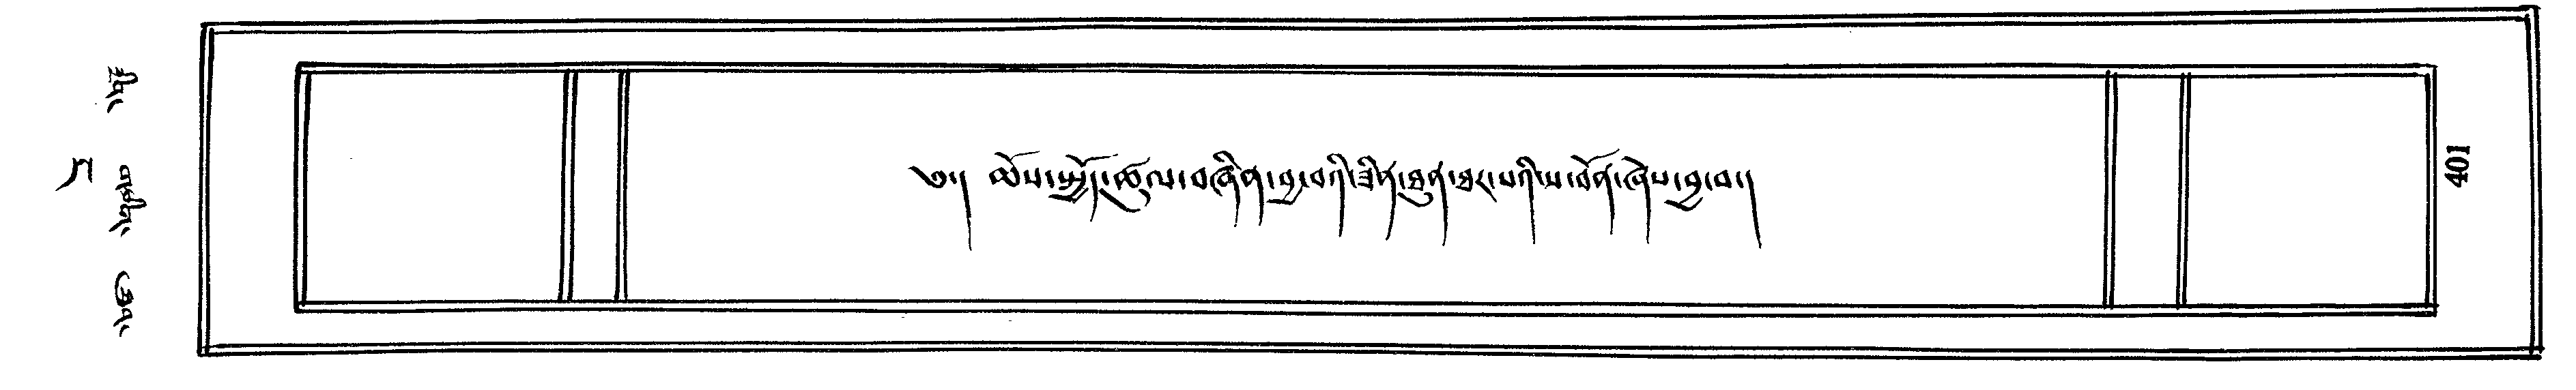ཆོས་སྤྱོད་ཚུལ་བཞིན་བྱ་བའི་ཟིན་ཐུན་ཐར་པའི་ས་བོན་ཞེས་བྱ་བ།།